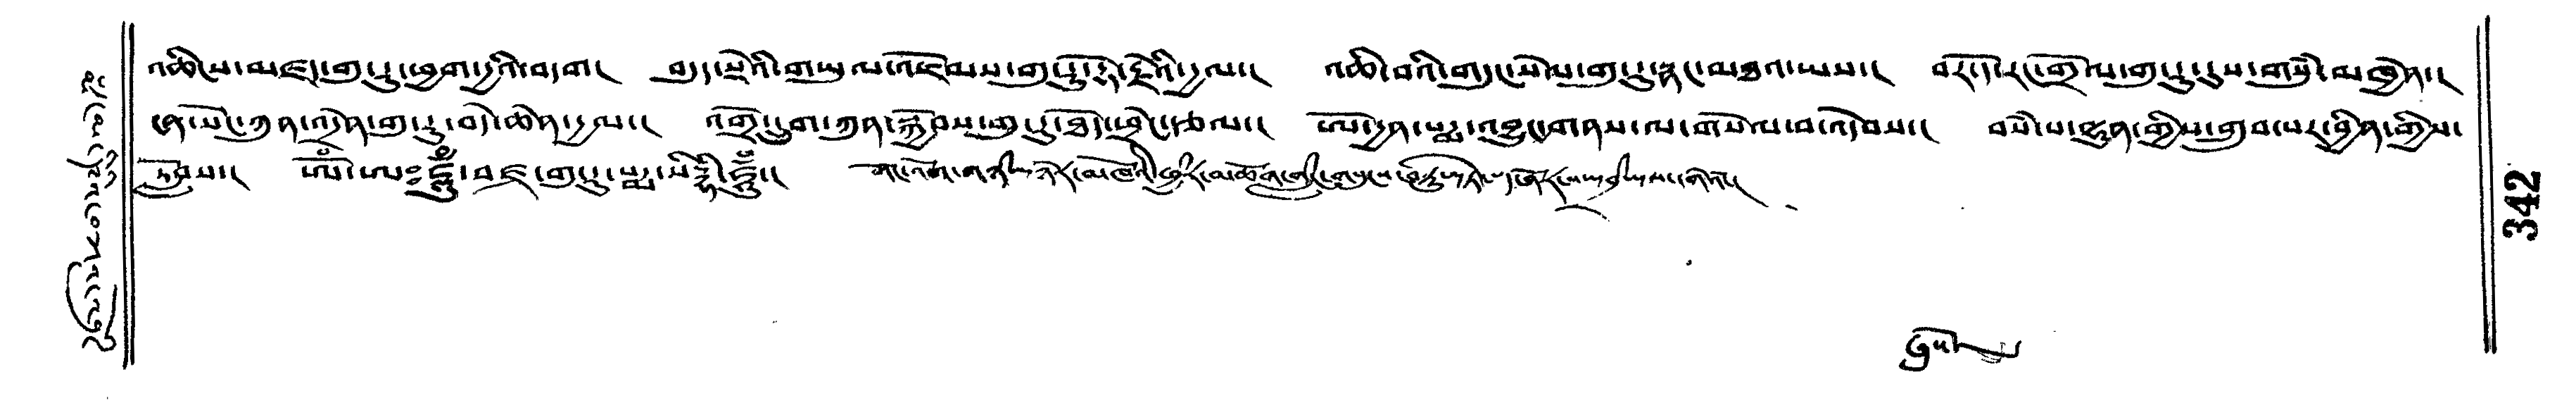འཆིང་མཛད་གུ་རུ་ཕྱག་རྒྱའི་བདག །བདུད་སྡེའི་གཡུལ་འཇོམས་གུ་རུ་རྡོ་རྗེའི་རྒྱལ། །འཆི་བའི་གདུང་སེལ་གུ་རུ་སྣང་མཐའ་ཡས། །བར་དོ་རང་གྲོལ་གུ་རུ་དུས་གསུམ་མཁྱེན། །
ངན་སོང་ཀུན་འདྲེན་གུ་རུ་བདེ་ཆེན་རྒྱལ། །འགྲོ་དྲུག་ཀུན་སྐྱོབ་གུ་རུ་ཐོད་ཕྲེང་རྩལ། ཨོ་རྒྱན་པདྨ་འབྱུང་གནས་ལ་གསོལ་བ་འདེབས། །བསམ་པ་ལྷུན་གྱི་གྲུབ་པར་བྱིན་གྱི་
རློབས། ཨོཾ་ཨཱཿཧཱུྃ་བཛྲ་གུ་རུ་པདྨ་སིདྡྷི་ཧཱུྃ། གོང་འོག་གཉིས་ཉེར་མཁོའི་ཕྱིར་མཆོག་གླིང་གསུང་ལས་བཏུས་ཏེ་པདྨ་ནོར་བུས་བྲིས་པ་དགེའོ།།